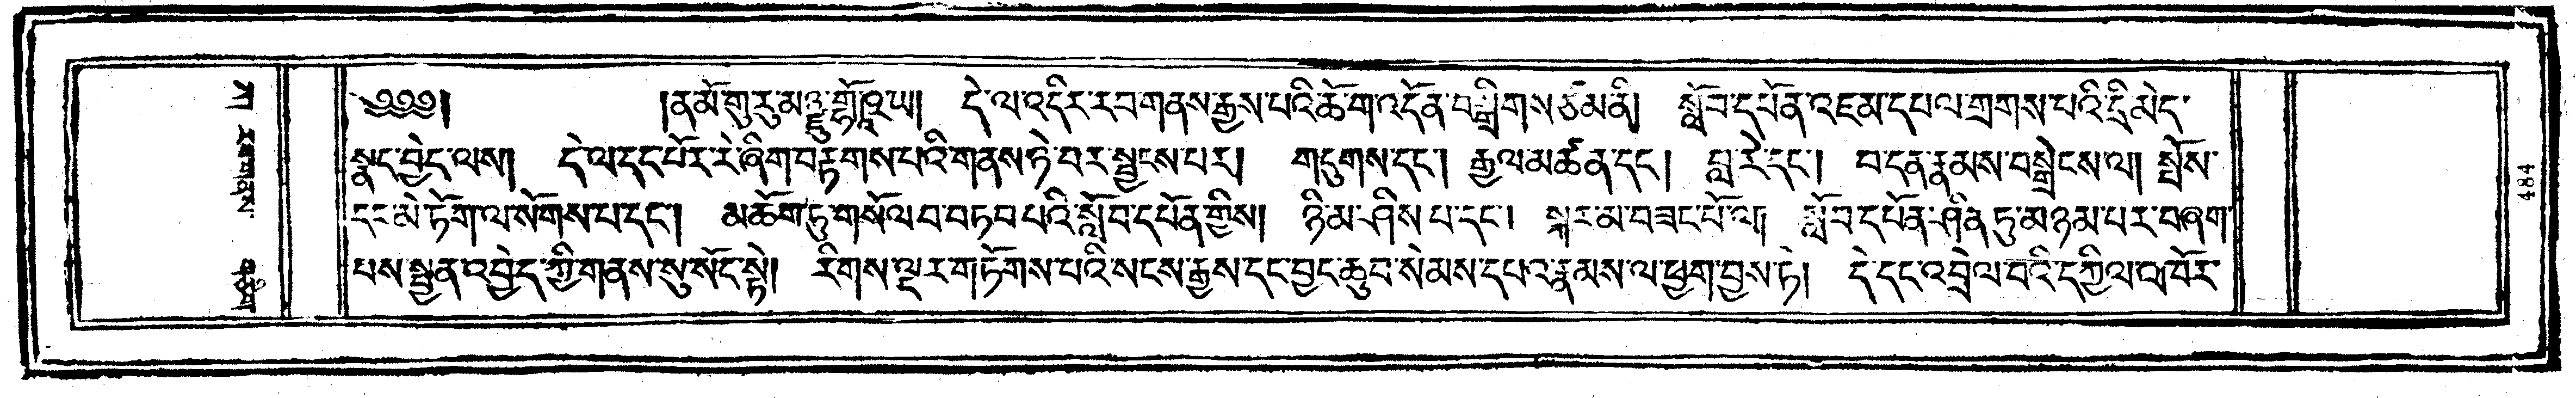༄༅༅། །ན་མོ་གུ་རུ་མཉྫུ་གྷོཥཱ་ཡ། དེ་ལ་འདིར་རབ་གནས་རྒྱས་པའི་ཆོ་ག་འདོན་བསྒྲིགས་ཙམ་ནི། སློབ་དཔོན་འཇམ་དཔལ་གྲགས་པའི་དྲི་མེད་
སྣང་བྱེད་ལས། དེ་ལ་དང་པོར་རེ་ཞིག་བརྟགས་པའི་གནས་ཉེ་བར་སྦྱངས་པར། གདུགས་དང་། རྒྱལ་མཚན་དང་། བླ་རེ་དང་། བ་དན་རྣམས་བསྒྲེངས་ལ། སྤོས་
དང་མེ་ཏོག་ལ་སོགས་པ་དང་། མཆོག་ཏུ་གསོལ་བ་བཏབ་པའི་སློབ་དཔོན་གྱིས། ཉི་མ་ཤིས་པ་དང་། སྐར་མ་བཟང་པོ་ལ། སློབ་དཔོན་ཤིན་ཏུ་མཉམ་པར་བཞག་
པས་སྤྱན་འབྱེད་ཀྱི་གནས་སུ་སོང་སྟེ། རིགས་ལྔར་གཏོགས་པའི་སངས་རྒྱས་དང་བྱང་ཆུབ་སེམས་དཔའ་རྣམས་ལ་ཕྱག་བྱས་ཏེ། དེ་དང་འབྲེལ་བའི་དཀྱིལ་འཁོར་